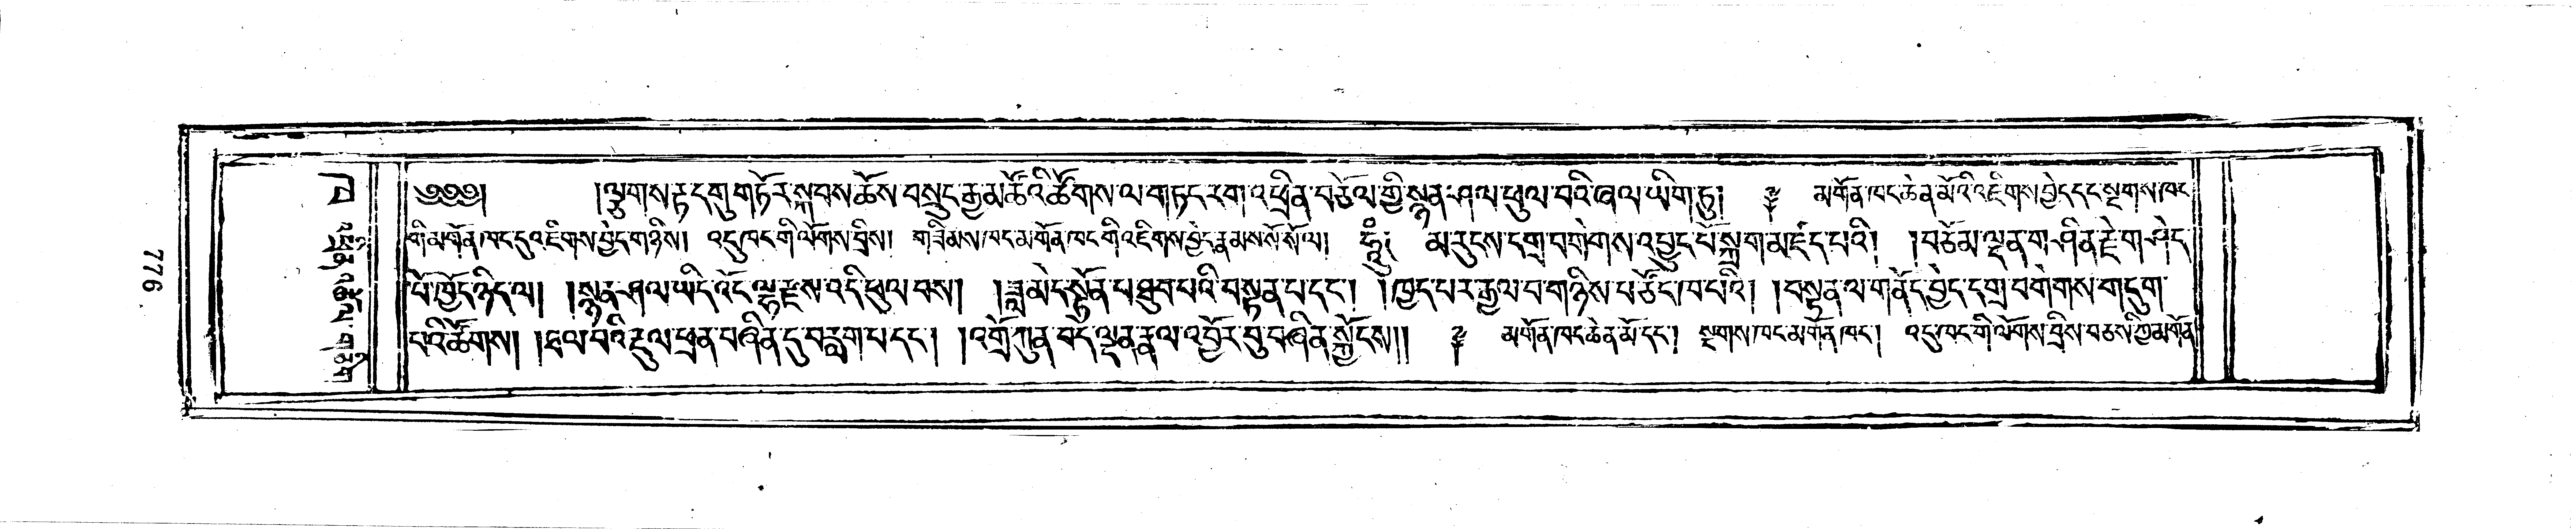༄༅༅། །ལྕགས་རྟ་དགུ་གཏོར་སྐབས་ཆོས་བསྲུང་རྒྱ་མཚོའི་ཚོགས་ལ་གཏང་རག་འཕྲིན་བཅོལ་གྱི་སྙན་ཤལ་ཕུལ་བའི་ཞལ་ཡིག་ཏུ། ༈ མགོན་ཁང་ཆེན་མོའི་འཇིགས་བྱེད་དང་སྔགས་ཁང་
གི་མགོན་ཁང་དུ་འཇིགས་བྱེད་གཉིས། འདུ་ཁང་གི་ལོགས་བྲིས། གཟིམས་ཁང་མགོན་ཁང་གི་འཇིགས་བྱེད་རྣམས་སོ་སོ་ལ། ཧཱུཾ༑ མ་རུངས་དགྲ་བགེགས་འབྱུང་པོ་སྐྲག་མཛད་པའི། །བཅོམ་ལྡན་གཤིན་རྗེ་གཤེད་
པོ་ཁྱོད་ཉིད་ལ། །སྙན་ཤལ་ཡིད་འོང་ལྷ་རྫས་འདི་ཕུལ་བས། །ཟླ་མེད་སྟོན་པ་ཐུབ་པའི་བསྟན་པ་དང་། །ཁྱད་པར་རྒྱལ་བ་གཉིས་པ་ཙོང་ཁ་པའི། །བསྟན་ལ་གནོད་བྱེད་དགྲ་བགེགས་གདུག་
པའི་ཚོགས། །ཐལ་བའི་རྡུལ་ཕྲན་བཞིན་དུ་བརླག་པ་དང་། །འགྲོ་ཀུན་བདེ་ལྡན་རྣལ་འབྱོར་བུ་བཞིན་སྐྱོངས།། ༈ མགོན་ཁང་ཆེན་མོ་དང་། སྔགས་ཁང་མགོན་ཁང་། འདུ་ཁང་གི་ལོགས་བྲིས་བཅས་ཀྱི་མགོན་